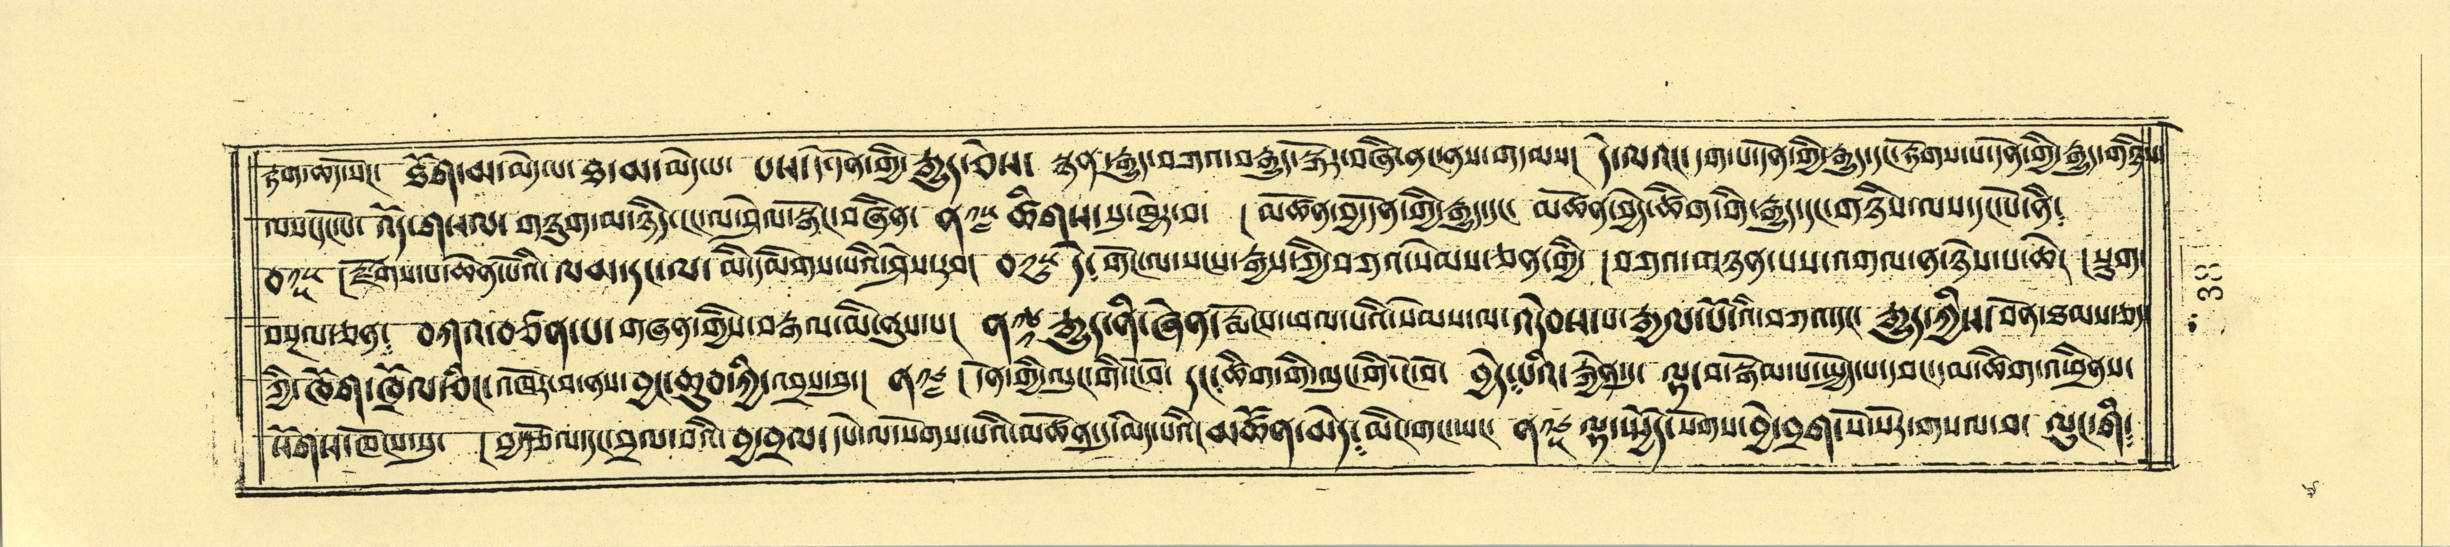རྟག་ཆད་སོགས་༼ཐོག་མ་༽མེད་པ་༼ཐ་མ་༽མེད་པ་༼པས༽དེ་དོན་གྱི་༼རྒྱུད་༽ཅེས་པ། སྙན་རྒྱུད་བཀའ་བརྒྱུད་སྐོར་བཞིའི་ནང་ནས་བདམས། ༼དེ་ལའང་༽དག་པ་དོན་གྱི་རྒྱུད་དང་། རྟོགས་པ་དོན་གྱི་རྒྱུད་གཉིས་
ལས་དང་པོ་༼འོད་གསལ༽གཉུག་མ་ཉིད་ངང་ལ་ཤེལ་སྒོང་བཞིན་ན༡༥།༤ ༼ཚིགས་སུ༽ཁྱེར་བ། མཚོན་བྱ་དོན་གྱི་རྒྱུད་དང་མཚོན་བྱེད་ཚིག་གི་རྒྱུད་དང་གཉིས་ལས་དང་པོ་ནི། 
ན༡༥།༥ རྫོགས་པ་ཆེན་པོའི། ༼ལམ་དང་ལ༽མི་དམིགས་པའི་ཤེས་རབ་ན༡༥།༦ ༼དེ༽གོང་ལ་སངས་རྒྱས་ཀྱི་བཀའ་སེམས་ཅན་གྱི་བཀའ་གཉེན་པས་འགལ་ན་ཉེས་པ་ཆེ། སྡུག་
བསྔལ་ཅན་ ༼བཀའ་བཙན་པ༽གཞན་གྱིས་བརྒལ་མི་ནུས་པ། ན༡༦།༦ ༼རྒྱུད་ནི་ཞེན་༽རྨོངས་ཕལ་པའི་སེམས་ལ་༼འདེབས༽པ་༼རྒྱལ་པོའི༽བཀའ་དང་༼རྒྱུད་ཀྱིས༽བོན་ཐམས་ཅད་
ཀྱི་༼ཁོག་ཁྲོལ་ཅིང༽འཁོར་བ་ནས་༼བྱང་ཆུབ་ཀྱི༽འབྲས་བུ། ན༡༦།༤ དོན་གྱི་ལུང་གི་ངོ་བོ་༼དང་༽ཚིག་གི་ལུང་གི་ངོ་བོ་༼བྱེད་པའི༽རྐྱེན་དུ། ༼ལྟ་བ༽སྒོམ་པ་དབང་དམ་ཚིག་འཕྲིན་
ལས་༼སོགས༽ཁོངས་སུ། བྱ་རྩོལ་དང་བྲལ་བའི་༼བྱ་བྲལ༽དཔེ་ལ་སོགས་པའི་མཚོན་དུ་མེད་པའི་༼མཚོན་མེད༽མིང་གང་ཡང་། ན༡༦།༥ ལྟ་སྤྱོད་སོགས་༼བྱེ་བྲག༽སོ་སོར་གསལ་བ་༼ལུང་གི༽